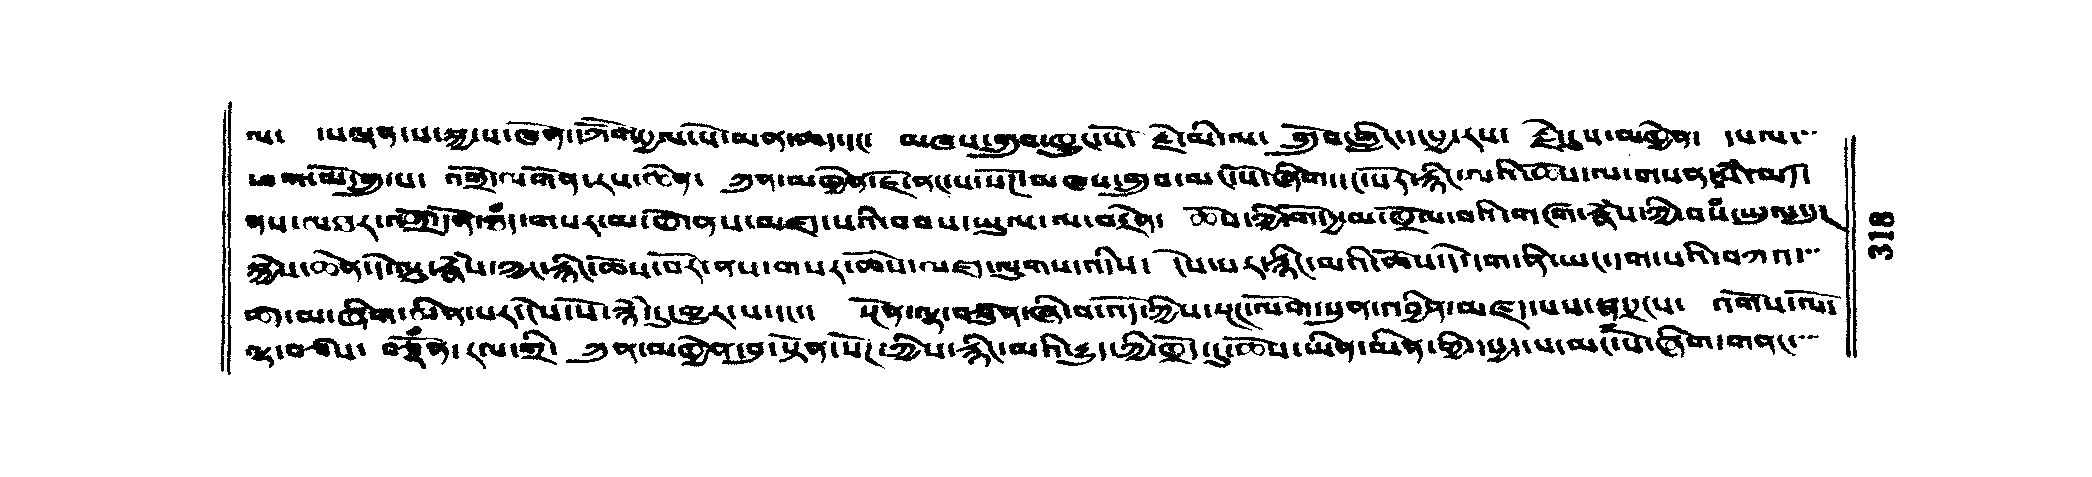ལ། ད་ལཔལྡནཔསཔཔ་པའཁོནཔདཀོནཔམཆོགཔརྒྱལཔ་ོཔམནཔཆདཔདངཔ། མཁསཔགྲུབཔཁྱུངཔ་ོ། རྗེཔམིཔལ། གྲུབཔཐོབཔགླིངཔདངཔརྒྱཔརས། རྗེཔདུསཔམཁྱེན། ད་ལཔ
ཕགཔམོཔགྲུཔ་། འགྲོཔམགོནཔརསཔཆེན། ཀུནཔམཁྱེནཔཇོཔནངཔ་པསོགསཔམཁསཔགྲུབཔམངཔ་ོཔཞིགཔདངཔ་ོརཔརྙིངཔམའིཔཆོསཔལཔགསནཔབསམཔམཛདཔ
ནསཔམཐརཔའགྲོཔདོནཔཐམསཔཅདཔགསརཔམཔཁོཔནསཔམཛདཔ་འིཔབབསཔཡུལཔལཔབརྟེན། ཆོསཔཀྱིཔགོཔརྒྱཔམཔཁྲོལཔབའིཔགངཔཟགཔརྣམསཔཀྱིཔབསམཔཡུལཔདུ
པེསཔཆེནཔདེཔལྟཔབུཔརྣམསཔཀྱངཔརྙིངཔཆོསཔབོརཔནསཔགསརཔཆོསཔམཛདཔལུགསཔའདིསཔངེསཔ་རཔརྙིངཔམའིཔཆོསཔདེཔདགཔནིཔཡངཔདགཔ་འིཔབཀའཔ
ཚདཔམཔཞིགཔམིནཔ་རཔངེསཔསོཔསྙམཔདུཔགྱུརཔ་པདངཔ། སྔོནཔལྷཔབཙུནཔཞིཔབཔའོདཔཀྱིསཔསྔགསཔལོགཔསུནཔའབྱིནཔམཛདཔ་སཔསྣཔདྲངས། འགོསཔལོ
པལྷཔབཙས། བཅོམཔལྡནཔརལཔགྲི། ཀུནཔམཁྱེནཔབུཔསྟོནཔསོགསཔཀྱིསཔརྙིངཔམའིཔརྒྱུདཔཀྱིཔཁྲོདཔདུཔཆོསཔཡིནཔམིནཔགྱིཔདཔྱདཔ་པམངཔ་ོཔཞིགཔགནངཔ